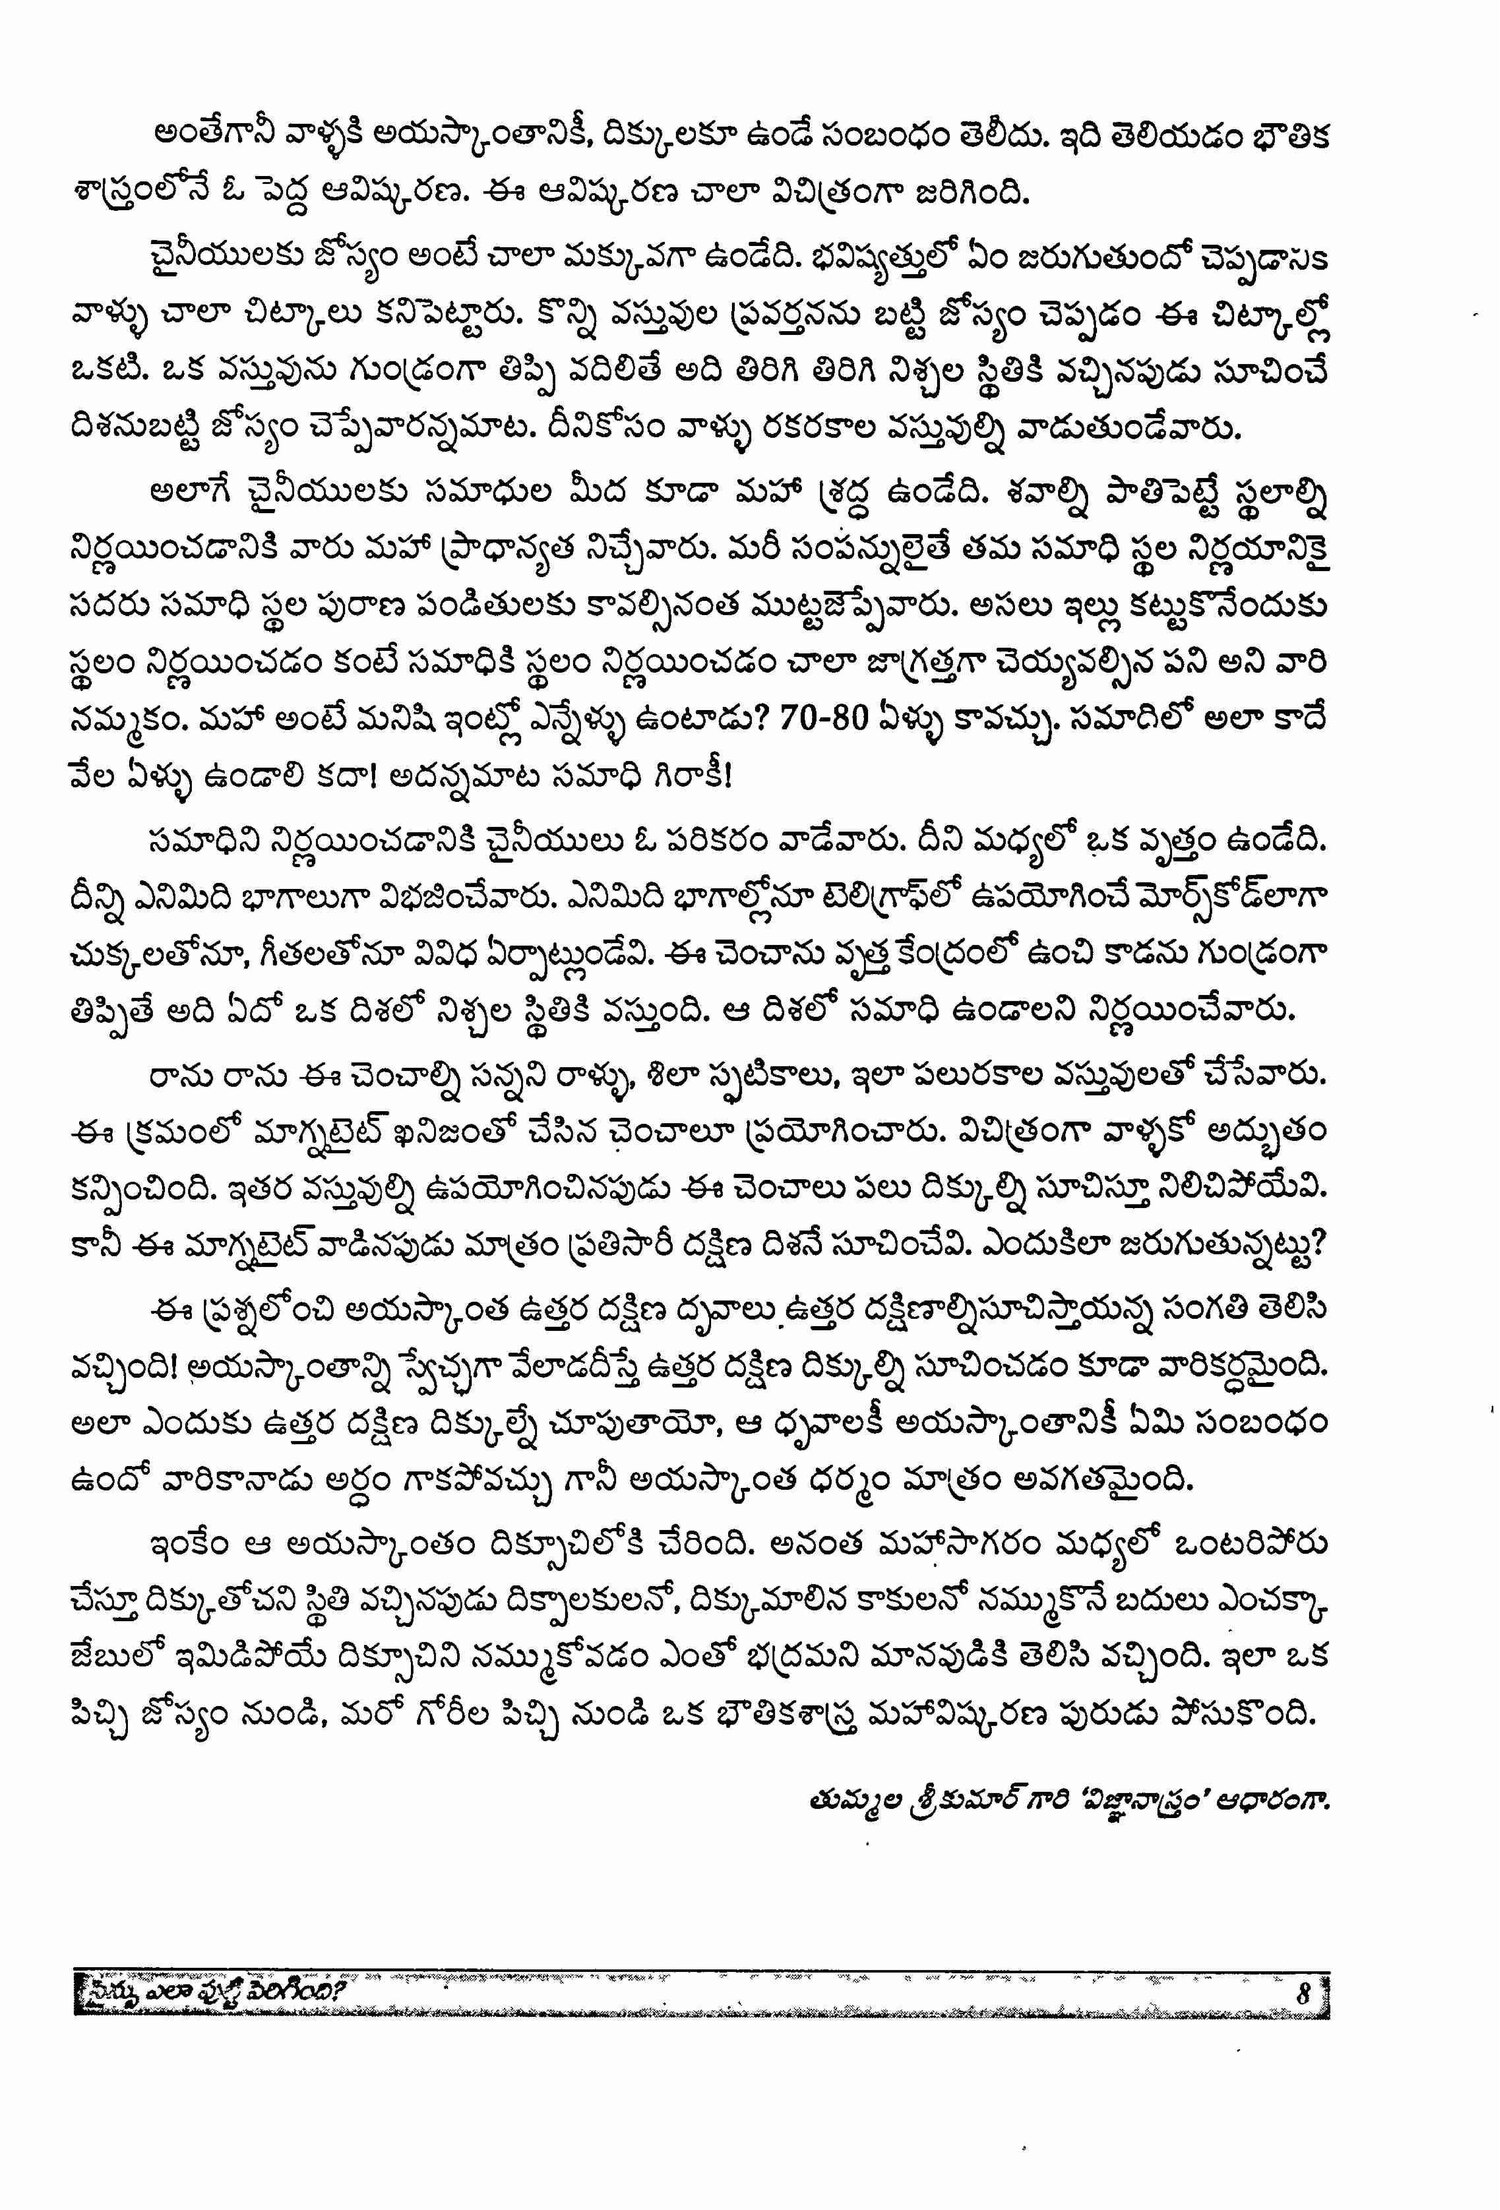అంతేగానీ వాళ్ళకి అయస్కాంతానికీ, దిక్కులకూ ఉండే సంబంధం తెలీదు. ఇది తెలియడం భౌతిక శాస్త్రంలోనే ఓ పెద్ద ఆవిష్కరణ. ఈ ఆవిష్కరణ చాలా విచిత్రంగా జరిగింది.

చైనీయులకు జోస్యం అంటే చాలా మక్కువగా ఉండేది. భవిష్యత్తులో ఏం జరుగుతుందో చెప్పడానికి వాళ్ళు చాలా చిట్కాలు కనిపెట్టారు. కొన్ని వస్తువుల ప్రవర్తనను బట్టి జోస్యం చెప్పడం ఈ చిట్కాల్లో ఒకటి. ఒక వస్తువును గుండ్రంగా తిప్పి వదిలితే అది తిరిగి తిరిగి నిశ్చల స్థితికి వచ్చినపుడు సూచించే దిశనుబట్టి జోస్యం చెప్పేవారన్నమాట. దీనికోసం వాళ్ళు రకరకాల వస్తువుల్ని వాడుతుండేవారు.

అలాగే చైనీయులకు సమాధుల మీద కూడా మహా శ్రద్ధ ఉండేది. శవాల్ని పాతిపెట్టే స్థలాల్ని నిర్ణయించడానికి వారు మహా ప్రాధాన్యత నిచ్చేవారు. మరీ సంపన్నులైతే తమ సమాధి స్థల నిర్ణయానికై సదరు సమాధి స్థల పురాణ పండితులకు కావల్సినంత ముట్టజెప్పేవారు. అసలు ఇల్లు కట్టుకొనేందుకు స్థలం నిర్ణయించడం కంటే సమాధికి స్థలం నిర్ణయించడం చాలా జాగ్రత్తగా చెయ్యవల్సిన పని అని వారి నమ్మకం. మహా అంటే మనిషి ఇంట్లో ఎన్నేళ్ళు ఉంటాడు? 70-80 ఏళ్ళు కావచ్చు. సమాదిలో అలా కాదే వేల ఏళ్ళు ఉండాలి కదా! అదన్నమాట సమాధి గిరాకీ!

సమాధిని నిర్ణయించడానికి చైనీయులు ఓ పరికరం వాడేవారు. దీని మధ్యలో ఒక వృత్తం ఉండేది. దీన్ని ఎనిమిది భాగాలుగా విభజించేవారు. ఎనిమిది భాగాల్లోనూ టెలిగ్రాఫ్‌లో ఉపయోగించే మోర్స్‌కోడ్‌లాగా చుక్కలతోనూ, గీతలతోనూ వివిధ ఏర్పాట్లుండేవి. ఈ చెంచాను వృత్త కేంద్రంలో ఉంచి కాడను గుండ్రంగా తిప్పితే అది ఏదో ఒక దిశలో నిశ్చల స్థితికి వస్తుంది. ఆ దిశలో సమాధి ఉండాలని నిర్ణయించేవారు.

రాను రాను ఈ చెంచాల్ని సన్నని రాళ్ళు, శిలా స్ఫటికాలు, ఇలా పలురకాల వస్తువులతో చేసేవారు. ఈ క్రమంలో మాగ్నటైట్ ఖనిజంతో చేసిన చెంచాలూ ప్రయోగించారు. విచిత్రంగా వాళ్ళకో అద్భుతం కన్పించింది. ఇతర వస్తువుల్ని ఉపయోగించినపుడు ఈ చెంచాలు పలు దిక్కుల్ని సూచిస్తూ నిలిచిపోయేవి. కానీ ఈ మాగ్నటైట్ వాడినపుడు మాత్రం ప్రతిసారీ దక్షిణ దిశనే సూచించేవి. ఎందుకిలా జరుగుతున్నట్టు?

ఈ ప్రశ్నలోంచి అయస్కాంత ఉత్తర దక్షిణ దృవాలు ఉత్తర దక్షిణాల్నిసూచిస్తాయన్న సంగతి తెలిసి వచ్చింది! అయస్కాంతాన్ని స్వేచ్ఛగా వేలాడదీస్తే ఉత్తర దక్షిణ దిక్కుల్ని సూచించడం కూడా వారికర్ధమైంది. అలా ఎందుకు ఉత్తర దక్షిణ దిక్కుల్నే చూపుతాయో, ఆ ధృవాలకీ అయస్కాంతానికీ ఏమి సంబంధం ఉందో వారికానాడు అర్ధం గాకపోవచ్చు గానీ అయస్కాంత ధర్మం మాత్రం అవగతమైంది.

ఇంకేం ఆ అయస్కాంతం దిక్సూచిలోకి చేరింది. అనంత మహాసాగరం మధ్యలో ఒంటరిపోరు చేస్తూ దిక్కుతోచని స్థితి వచ్చినపుడు దిక్పాలకులనో, దిక్కుమాలిన కాకులనో నమ్ముకొనే బదులు ఎంచక్కా జేబులో ఇమిడిపోయే దిక్సూచిని నమ్ముకోవడం ఎంతో భద్రమని మానవుడికి తెలిసి వచ్చింది. ఇలా ఒక పిచ్చి జోస్యం నుండి, మరో గోరీల పిచ్చి నుండి ఒక భౌతికశాస్త్ర మహావిష్కరణ పురుడు పోసుకొంది.